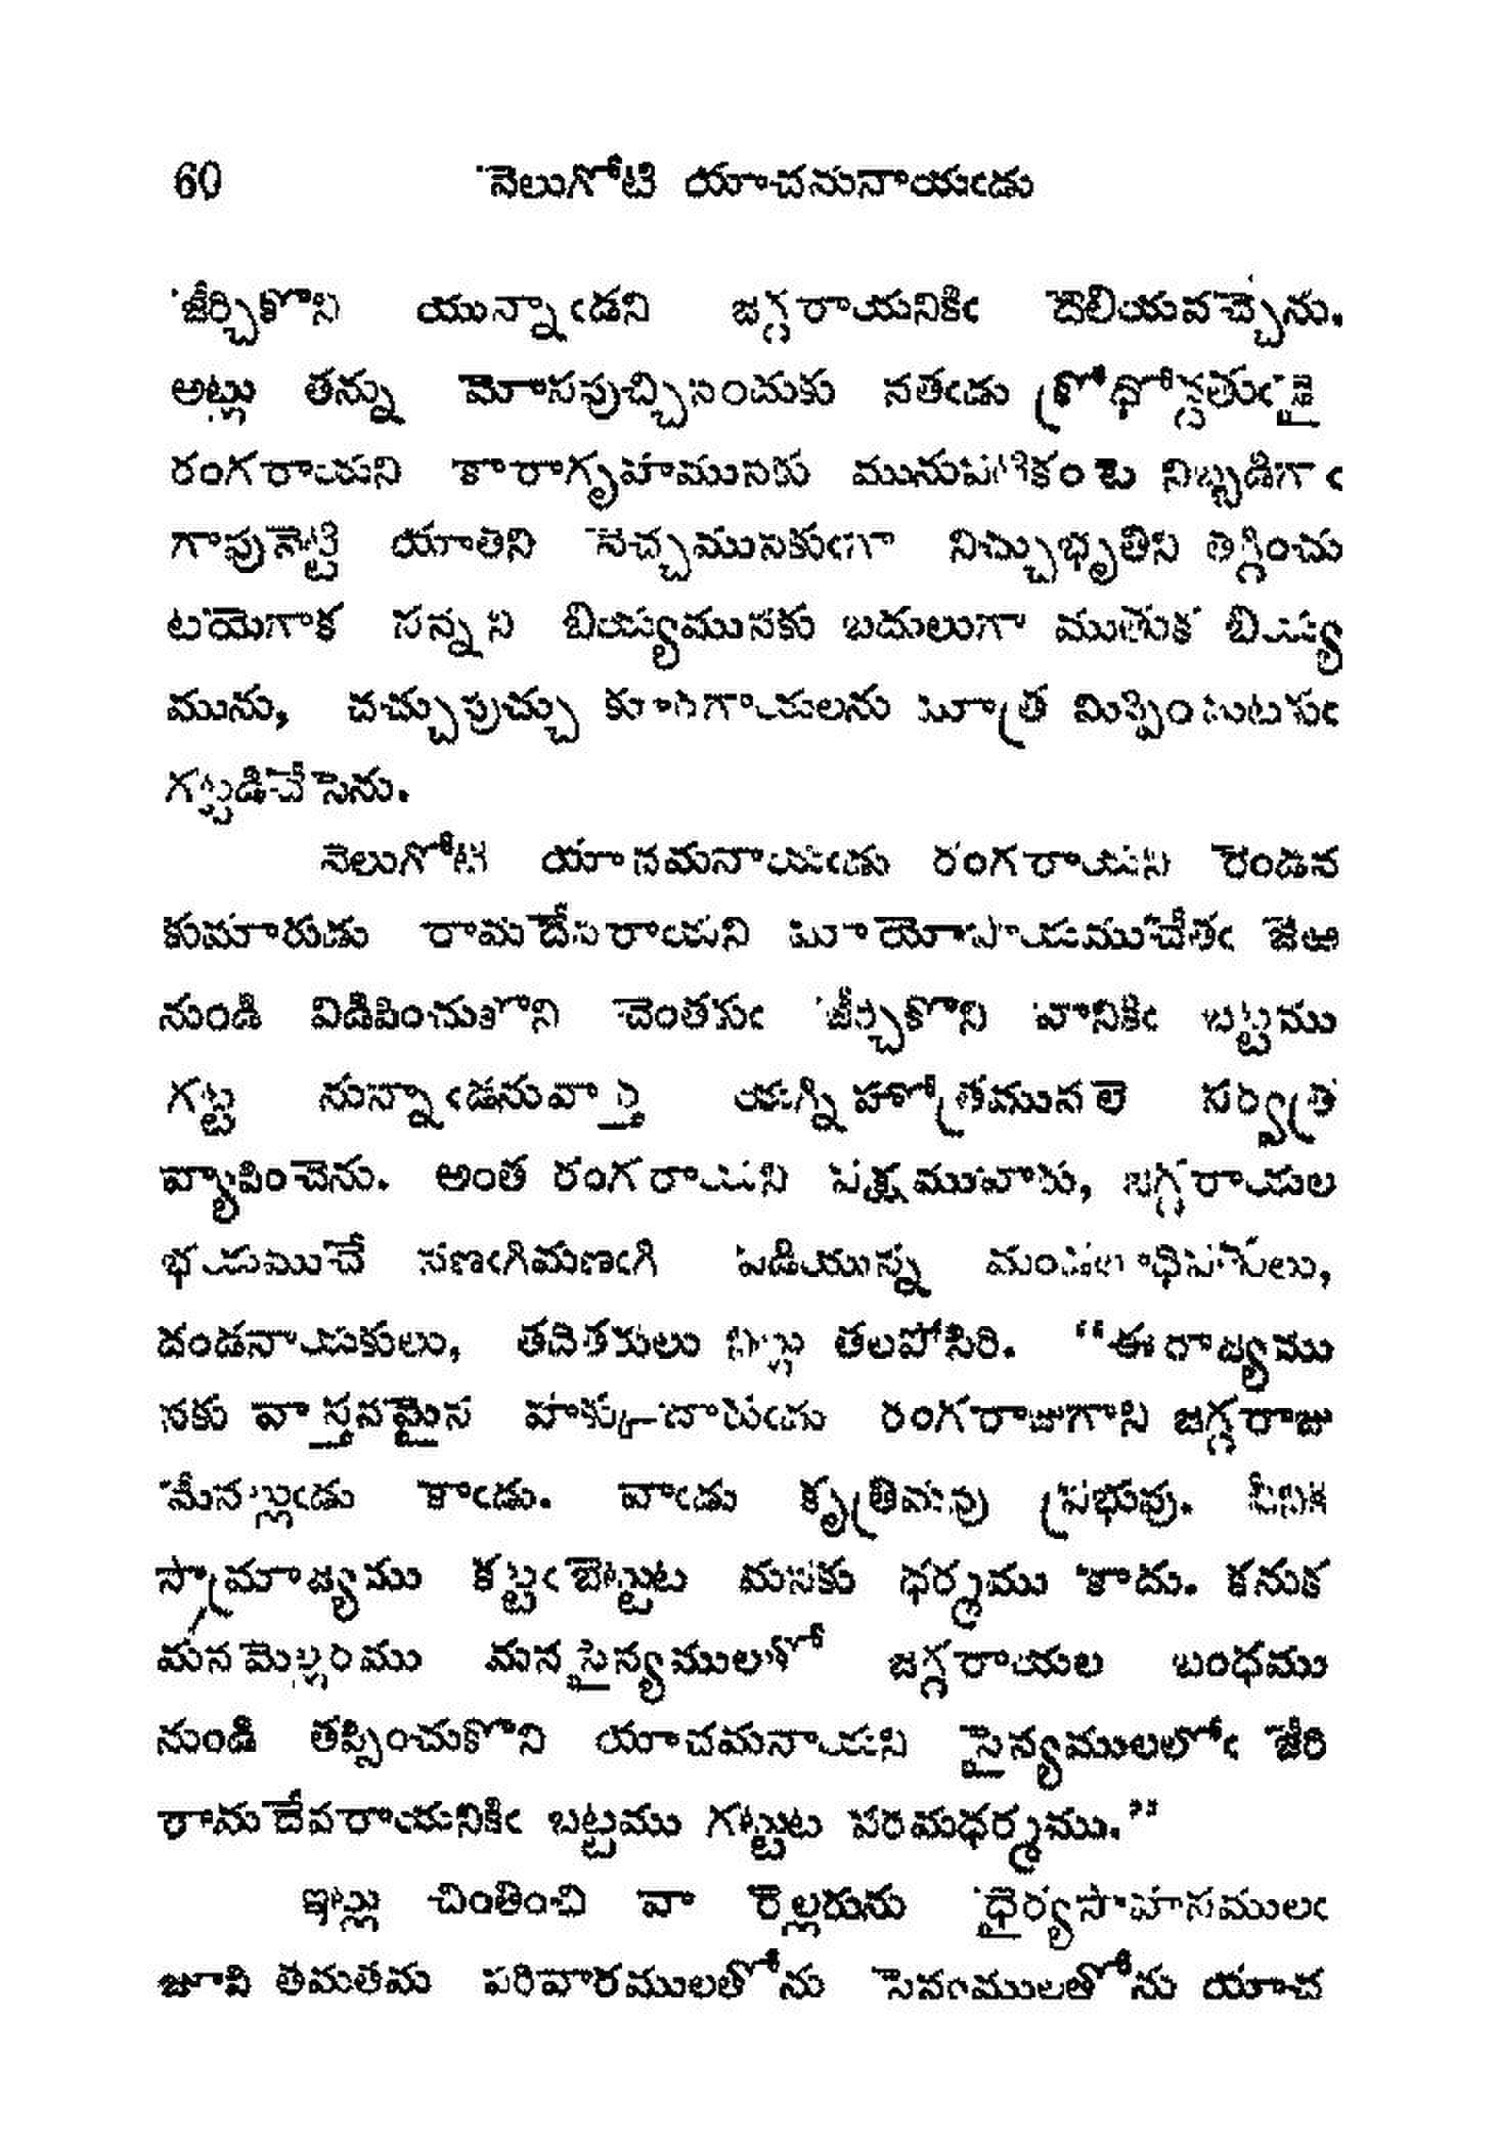జేర్చికొని యున్నాఁడని జగ్గరాయనికిఁ దెలియవచ్చెను. అట్లు తన్ను మోసపుచ్చినందుకు నతఁడు క్రోధోద్దత్తుఁడై రంగరాయని కారాగృహమునకు మునుపటికంటె నిబ్బడిగాఁ గాపువెట్టి యాతని వెచ్చమునకుఁగా నిచ్చుభృతిని తగ్గించుటయెగాక సన్నని బియ్యమునకు బదులుగా ముతుక బియ్యమును, చచ్చుపుచ్చు కూరగాయలను మాత్ర మిప్పించుటకుఁ గట్టడిచేసెను.

వెలుగోటి యాచమనాయఁడు రంగరాయని రెండవ కుమారుడు రామదేవరాయని మాయోపాయముచేతఁ జెఱనుండి విడిపించుకొని చెంతకుఁ జేర్చికొని వానికిఁ బట్టము గట్ట నున్నాఁడనువార్త యగ్నిహోత్రమువలె సర్వత్ర వ్యాపించెను. అంత రంగరాయని పక్షమువారు, జగ్గరాయల భయముచే నణఁగిమణఁగి పడియున్న మండలాధిపతులు, దండనాయకులు, తదితరులు నిట్లు తలపోసిరి. "ఈరాజ్యమునకు వాస్తవమైన హక్కుదారుఁడు రంగరాజుగాని జగ్గరాజు మేనల్లుఁడు కాఁడు. వాఁడు కృతిమపు ప్రభువు. వీనికి సామ్రాజ్యము కట్టఁబెట్టుట మనకు ధర్మము కాదు. కనుక మనమెల్లరము మనసైన్యములతో జగ్గరాయల బంధము నుండి తప్పించుకొని యాచమనాయని సైన్యములలోఁ జేరి రామదేవరాయనికిఁ బట్టము గట్టుట పరమధర్మము."

ఇట్లు చింతించి వా రెల్లరును ధైర్యసాహసములఁ జూపి తమతమ పరివారములతోను సైన్యములతోను యాచ